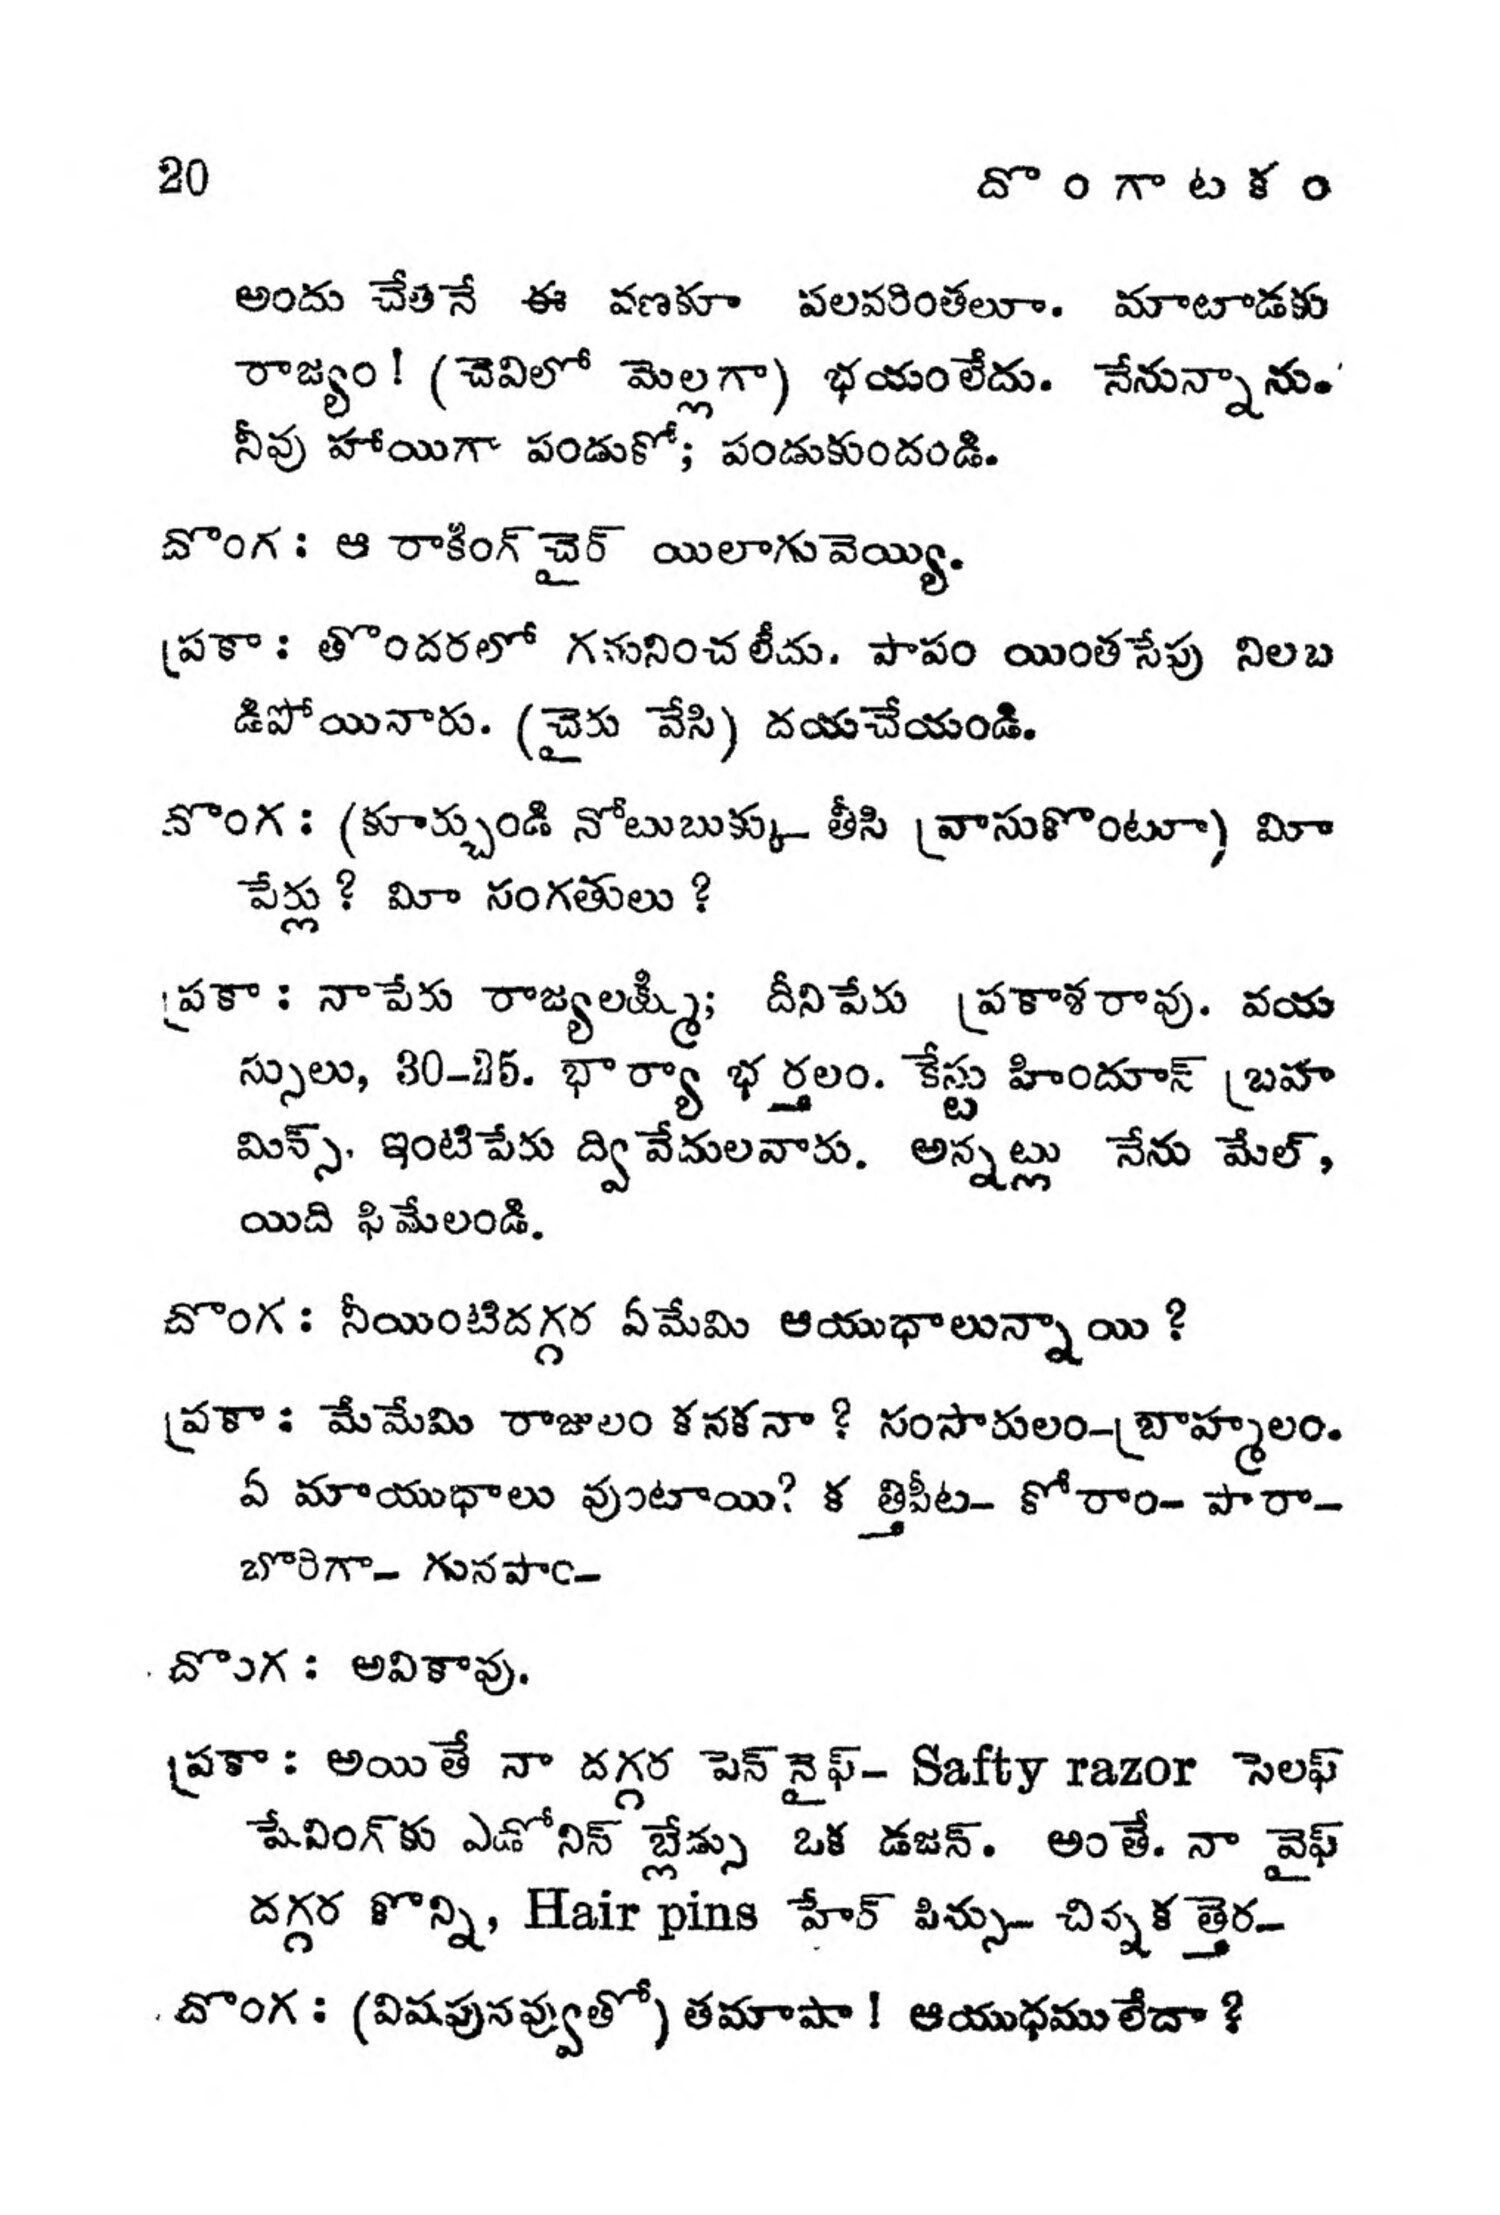అందు చేతనే ఈ వణకూ పలవరింతలూ. మాటాడకు రాజ్యం ! (చెవిలో మెల్లగా) భయంలేదు. నేనున్నాను. నీవు హాయిగా పండుకో; పండుకుందండి.

దొంగ : ఆ రాకింగ్‌చైర్ యిలాగువెయ్యి.

ప్రకా : తొందరలో గమనించలేదు. పాపం యింతసేపు నిలబడిపోయినారు. (చైరు వేసి) దయచేయండి.

దొంగ : (కూర్చుండి నోటుబుక్కు తీసి వ్రాసుకొంటూ) మీ పేర్లు? మీ సంగతులు?

ప్రకా : నాపేరు రాజ్యలక్ష్మీ; దీనిపేరు ప్రకాశరావు. వయస్సులు, 30–25. భార్యా భర్తలం. కేస్టు హిందూస్ బ్రహమిన్స్. ఇంటిపేరు ద్వివేదులవారు. అన్నట్లు నేను మేల్, యిది ఫిమేలండి.

దొంగ : నీ యింటిదగ్గర ఏమేమి ఆయుధాలున్నాయి?

ప్రకా : మేమేమి రాజులం కనకనా ? సంసారులం – బ్రాహ్మలం. ఏ మాయుధాలు వుంటాయి? కత్తిపీట- కోరాం- పారా-
బొరిగా- గునపాం-

దొంగ : అవికావు.

ప్రకా : అయితే నా దగ్గర పెన్‌నైఫ్- Safty razor "సెలఫ్ షేవింగ్‌కు ఎడోనిస్ బ్లేడ్సు ఒక డజన్. అంతే. నా వైఫ్ దగ్గర కొన్ని, Hair pins హేర్ పిన్సు చిన్నకత్తెర...

దొంగ : (విషపునవ్వుతో) తమాషా ! ఆయుధములేదా?